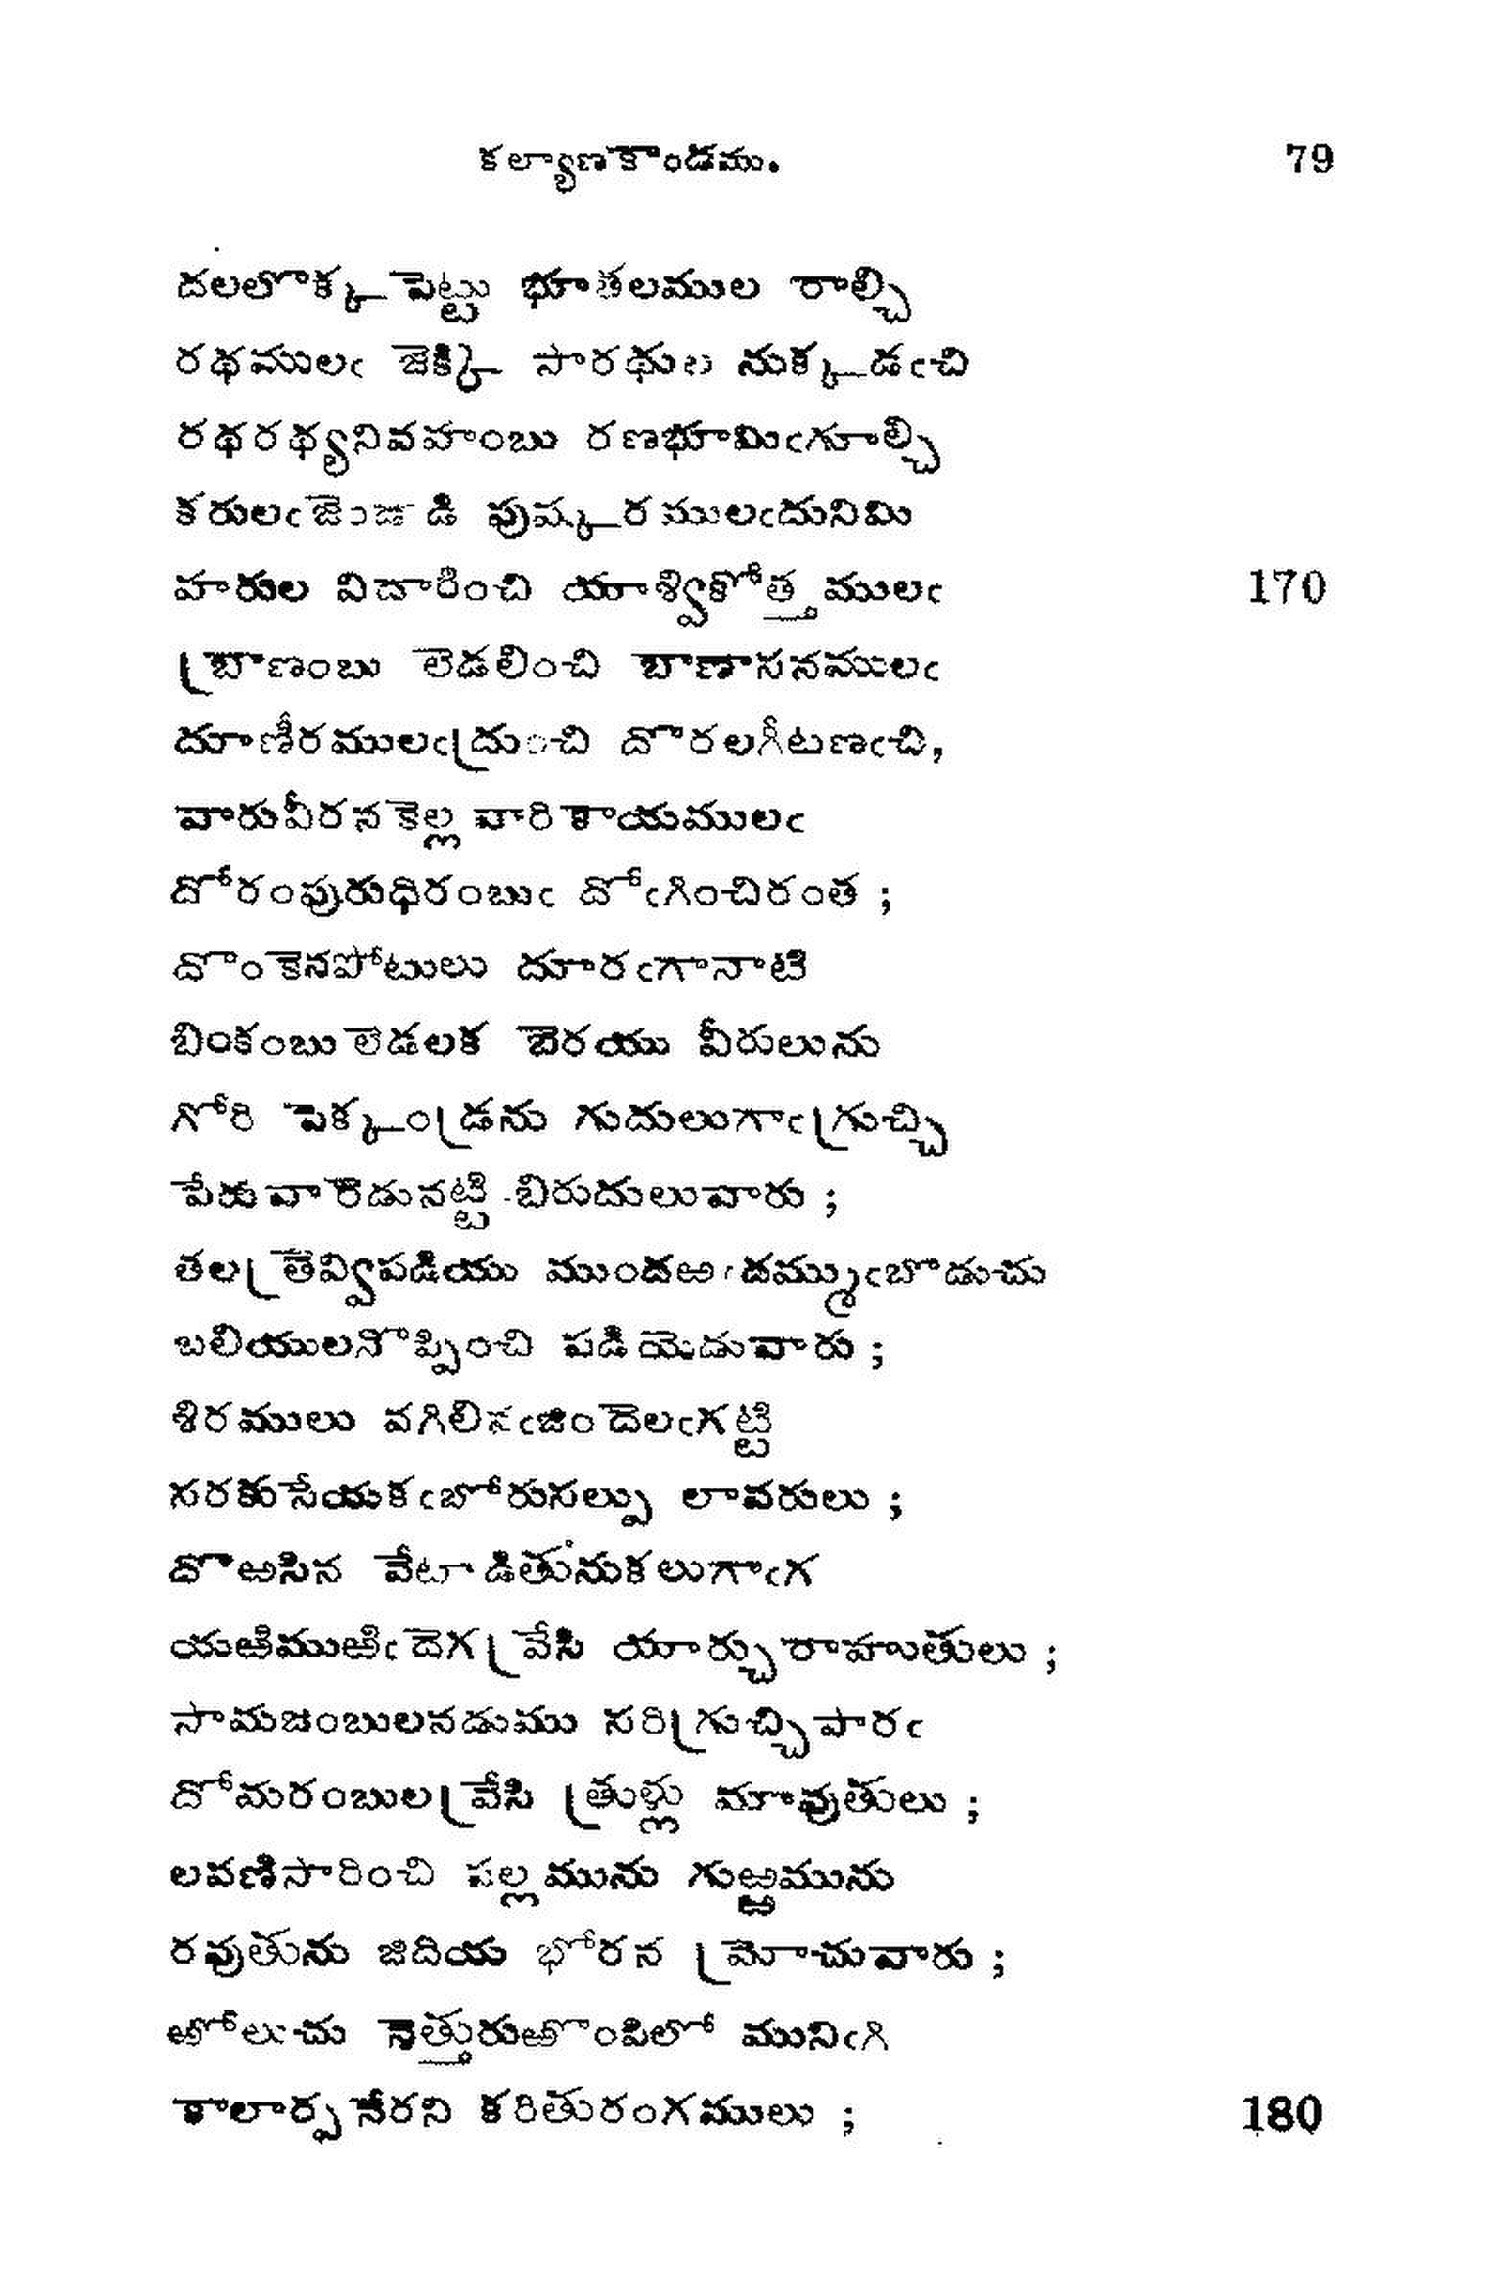దలలొక్క పెట్టు భూతలముల రాల్చి
రథములఁ జెక్కి సారథుల నుక్కడఁచి
రథరథ్యనివహంబు రణభూమిఁ గూల్చి
కరులఁ జెండాడి పుష్కరములఁ దునిమి
హరుల విదారించి యాశ్వికోత్తములఁ
బ్రాణంబు లెడలించి బాణాసనములఁ
దూణీరములఁ ద్రుంచి దొరల గీటణఁచి,
వారు వీరన కెల్లవారికాయములఁ
దోరంపురుధిరంబుఁ దోఁగించిరంత;
దొంకెనపోటులు దూరఁగానాటి
బింకంబు లెడలక బెరయు వీరులును
గోరీ పెక్కండ్రను గుదులుగాఁ గ్రుచ్చి
పేరు వాడునట్టి బిరుదులువారు;
తల త్రెవ్విపడియు ముందఱఁ దమ్ముఁబొడుచు
బలియులనొప్పించి పడియెడువారు;
శిరములు వగిలినఁజిందెలఁగట్టి
సరకు సేయకఁ బోరుసల్పు లావరులు;
దొఱసిన వేటాడితునుకలుగాఁగ
యఱిముఱిఁ దెగవ్రేసి యార్చురాహుతులు;
సామజంబులనడుము సరిగ్రుచ్చిపారఁ
దోమరంబుల వ్రేసి త్రుళ్లు మావుతులు;
లవణిసారించి పల్లమును గుఱ్ఱమును
రవుతును జిదియ భోరన మ్రోచువారు;
ఱోలుచు నెత్తురుఱొంపిలో మునిఁగి
కాలార్పనేరని కరితురంగములు;